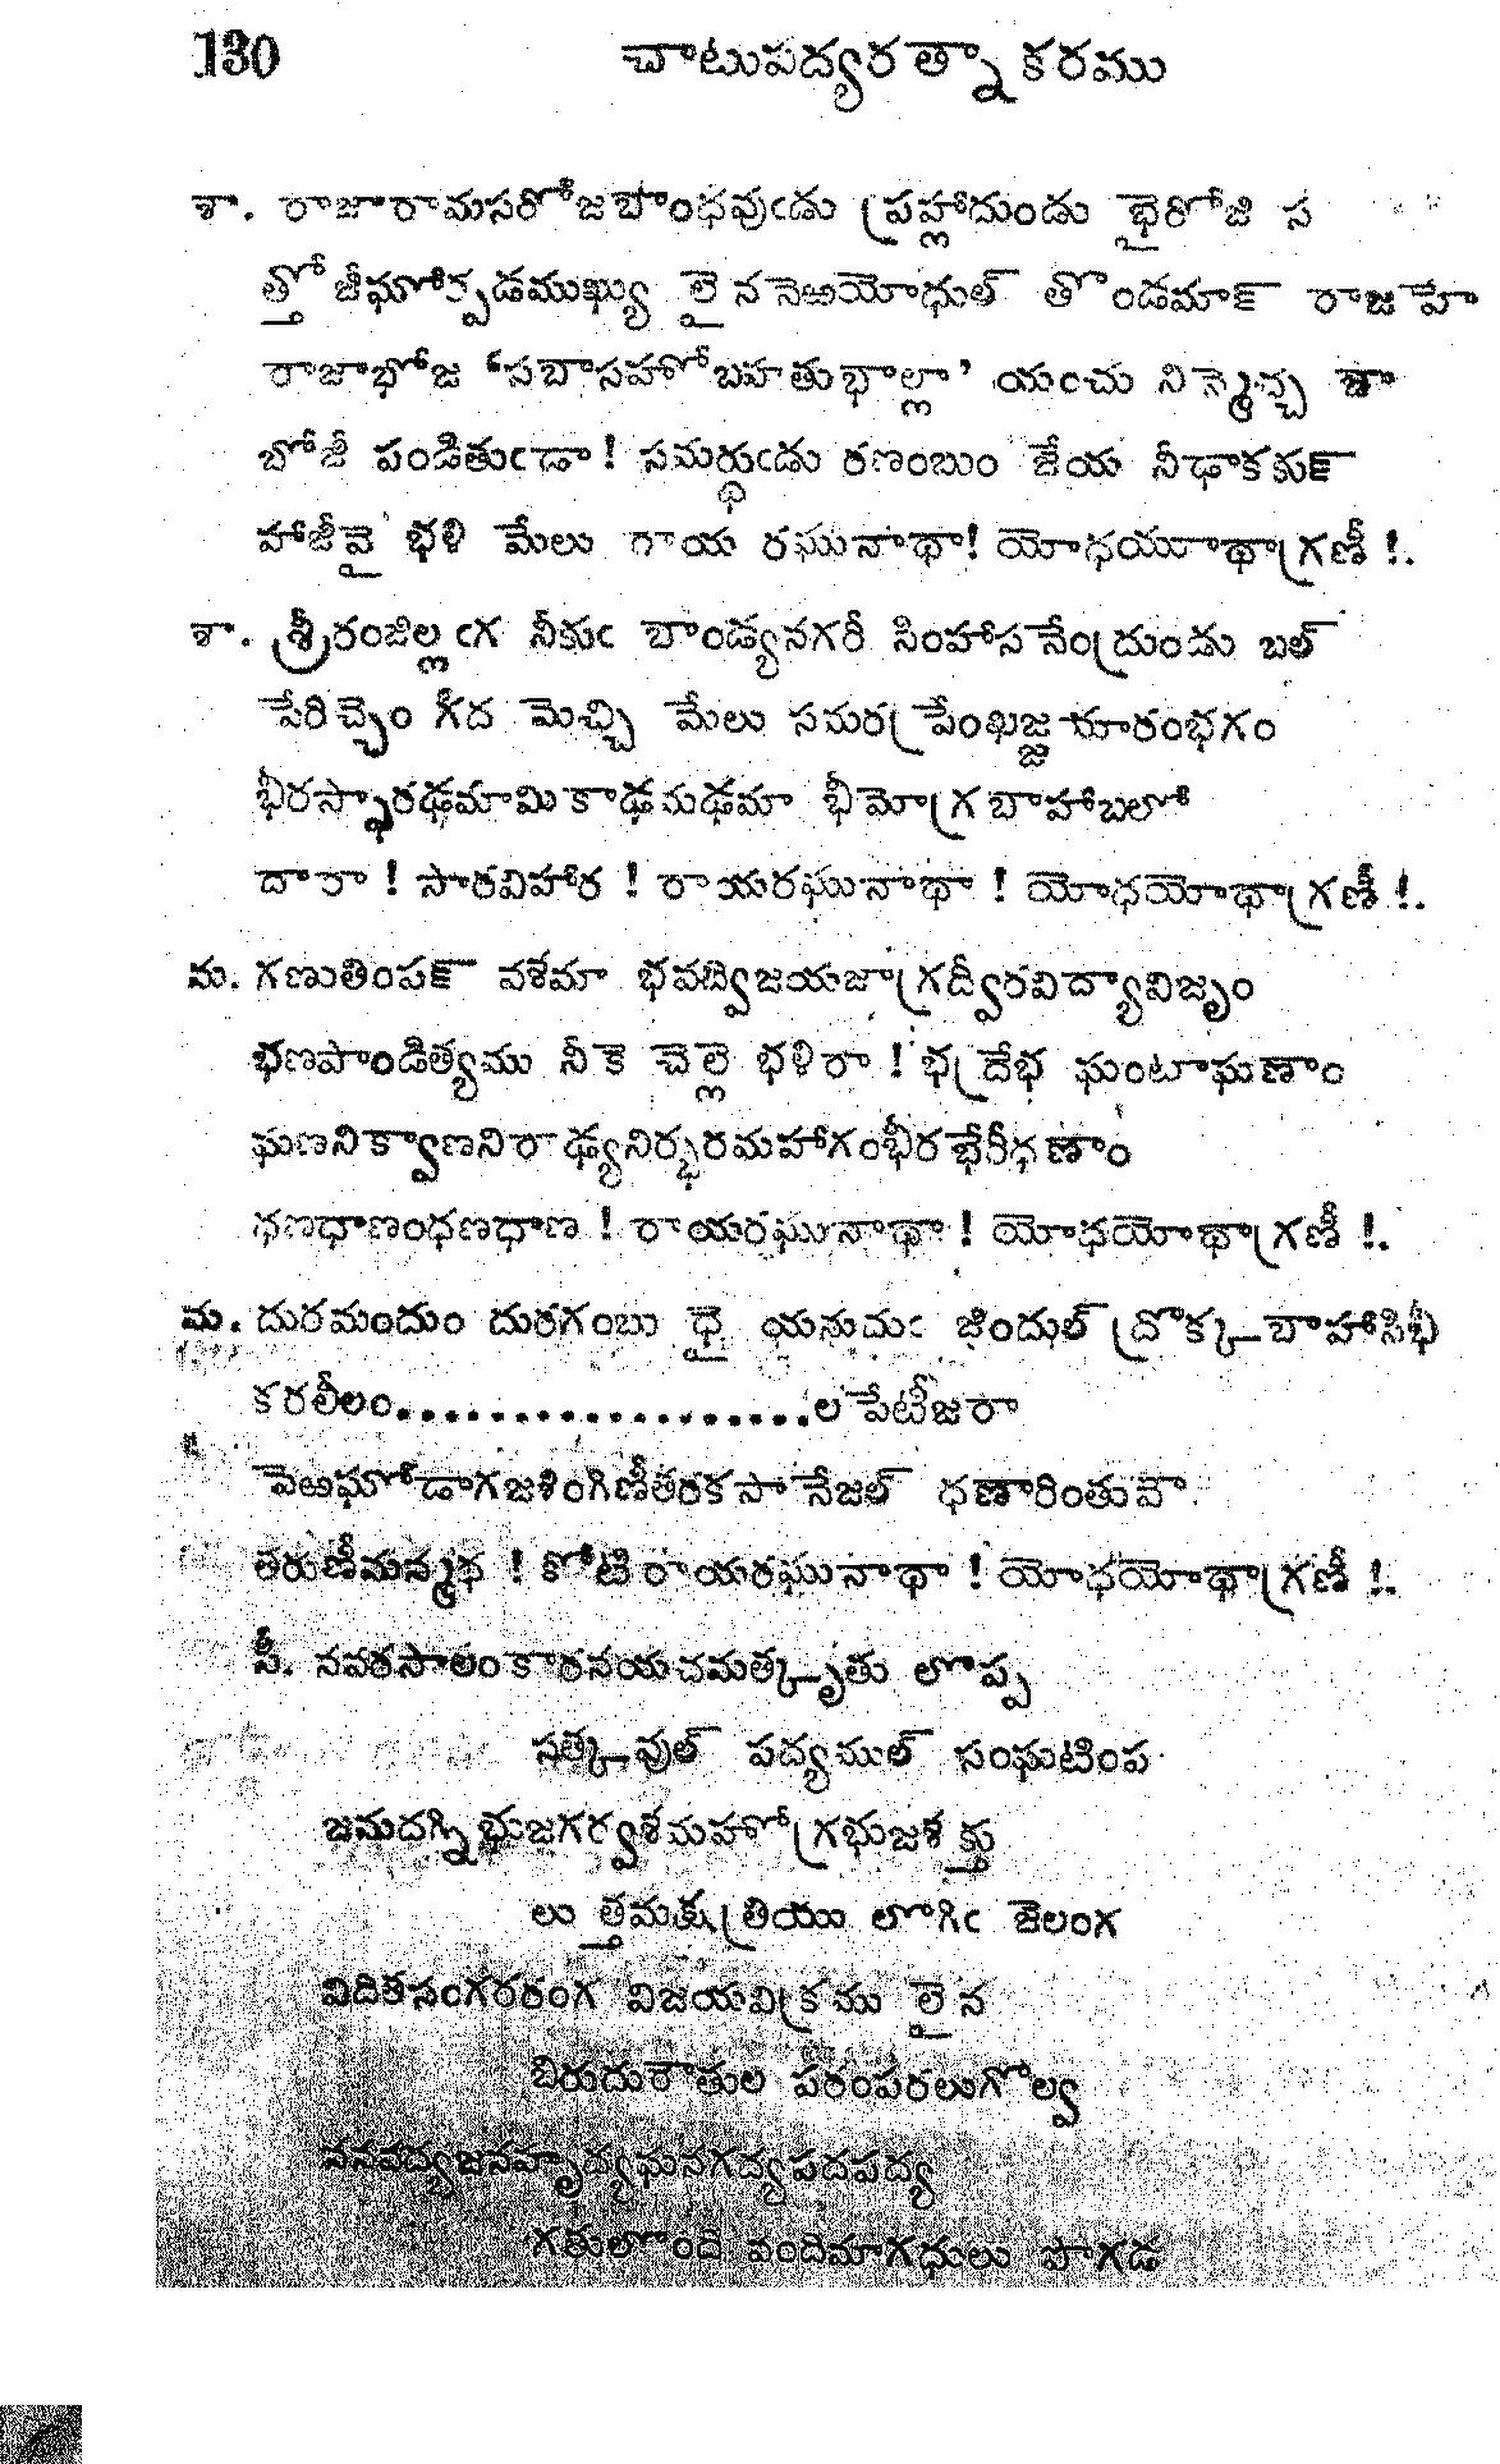శా. రాజారామసరోజబాంధవుఁడు ప్రహ్లాదుండు భైరోజి స
 త్తోజీఘోర్పముఖ్యు లైననెఱయోధుల్ తొండమాన్ రాజహే
 రాజాభోజ ‘సబాసహోబహతుభల్లా’ యంచు నిన్మెచ్చ దా
 బోజీ పండితుఁడా! సమర్థుఁడు రణంబు జేయ నీఢాకకున్
 హాజీవై భళి మేలు రాయ రఘునాథా! యోధయూథాగ్రణీ!

శా. శ్రీరంజిల్లఁగ నీకుఁ బాండ్యనగరీ సింహాసనేంద్రుండు బల్
 పేరిచ్చెం గద మెచ్చి మేలు సమరప్రేంఖజ్జయారంభగం
 భీరస్ఫారఢమామికాఢమఢమా భీమోగ్రబాహాబలో
 దారా! సారవిహార! రాయరఘునాథా! యోధయోథాగ్రణీ!

మ. గణుతింపన్ వశమా భవద్విజయజాగ్రద్వీరవిద్యావిజృం
 భణపాండిత్యము నీకె చెల్లె భళిరా! భద్రేభ ఘంటాఘణాం
 ఘణనిక్వాణనిరాఢ్యనిర్భరమహాగంభీరభేరీధణాం
 ధణధాణంధణధాణ! రాయరఘునాథా! యోధయోథాగ్రణీ!

మ. దురమందుం దురగంబు ధై యనుచుఁ జిందుల్ ద్రొక్క భాహాసిభీ
 కరలీలం.........................................................ల పేటీజరా
 పెఱఘోడాగజశింగిణీతరకసానేజల్ ధణారింతువౌ
 తరుణీమన్మథ! కోటిరాయరఘునాథా! యోధయోథాగ్రణీ!

సీ. నవరసాలంకారనయచమత్కృతు లొప్ప
 సత్కవుల్ పద్యముల్ సంఘటింప
 జమదగ్ని భుజగర్వశమహోగ్రభుజశక్తు
 లుత్తమక్షత్రియు లొగిఁ జెలంగ
 విదితసంగరరంగ విజయవిక్రము లైన
 బిరుదురౌతుల పరంపరలు గొల్వ
 ననవద్యజనహృద్యఘనగద్యపదపద్య
 గతు లొంది వందిమాగధులు పొగడ